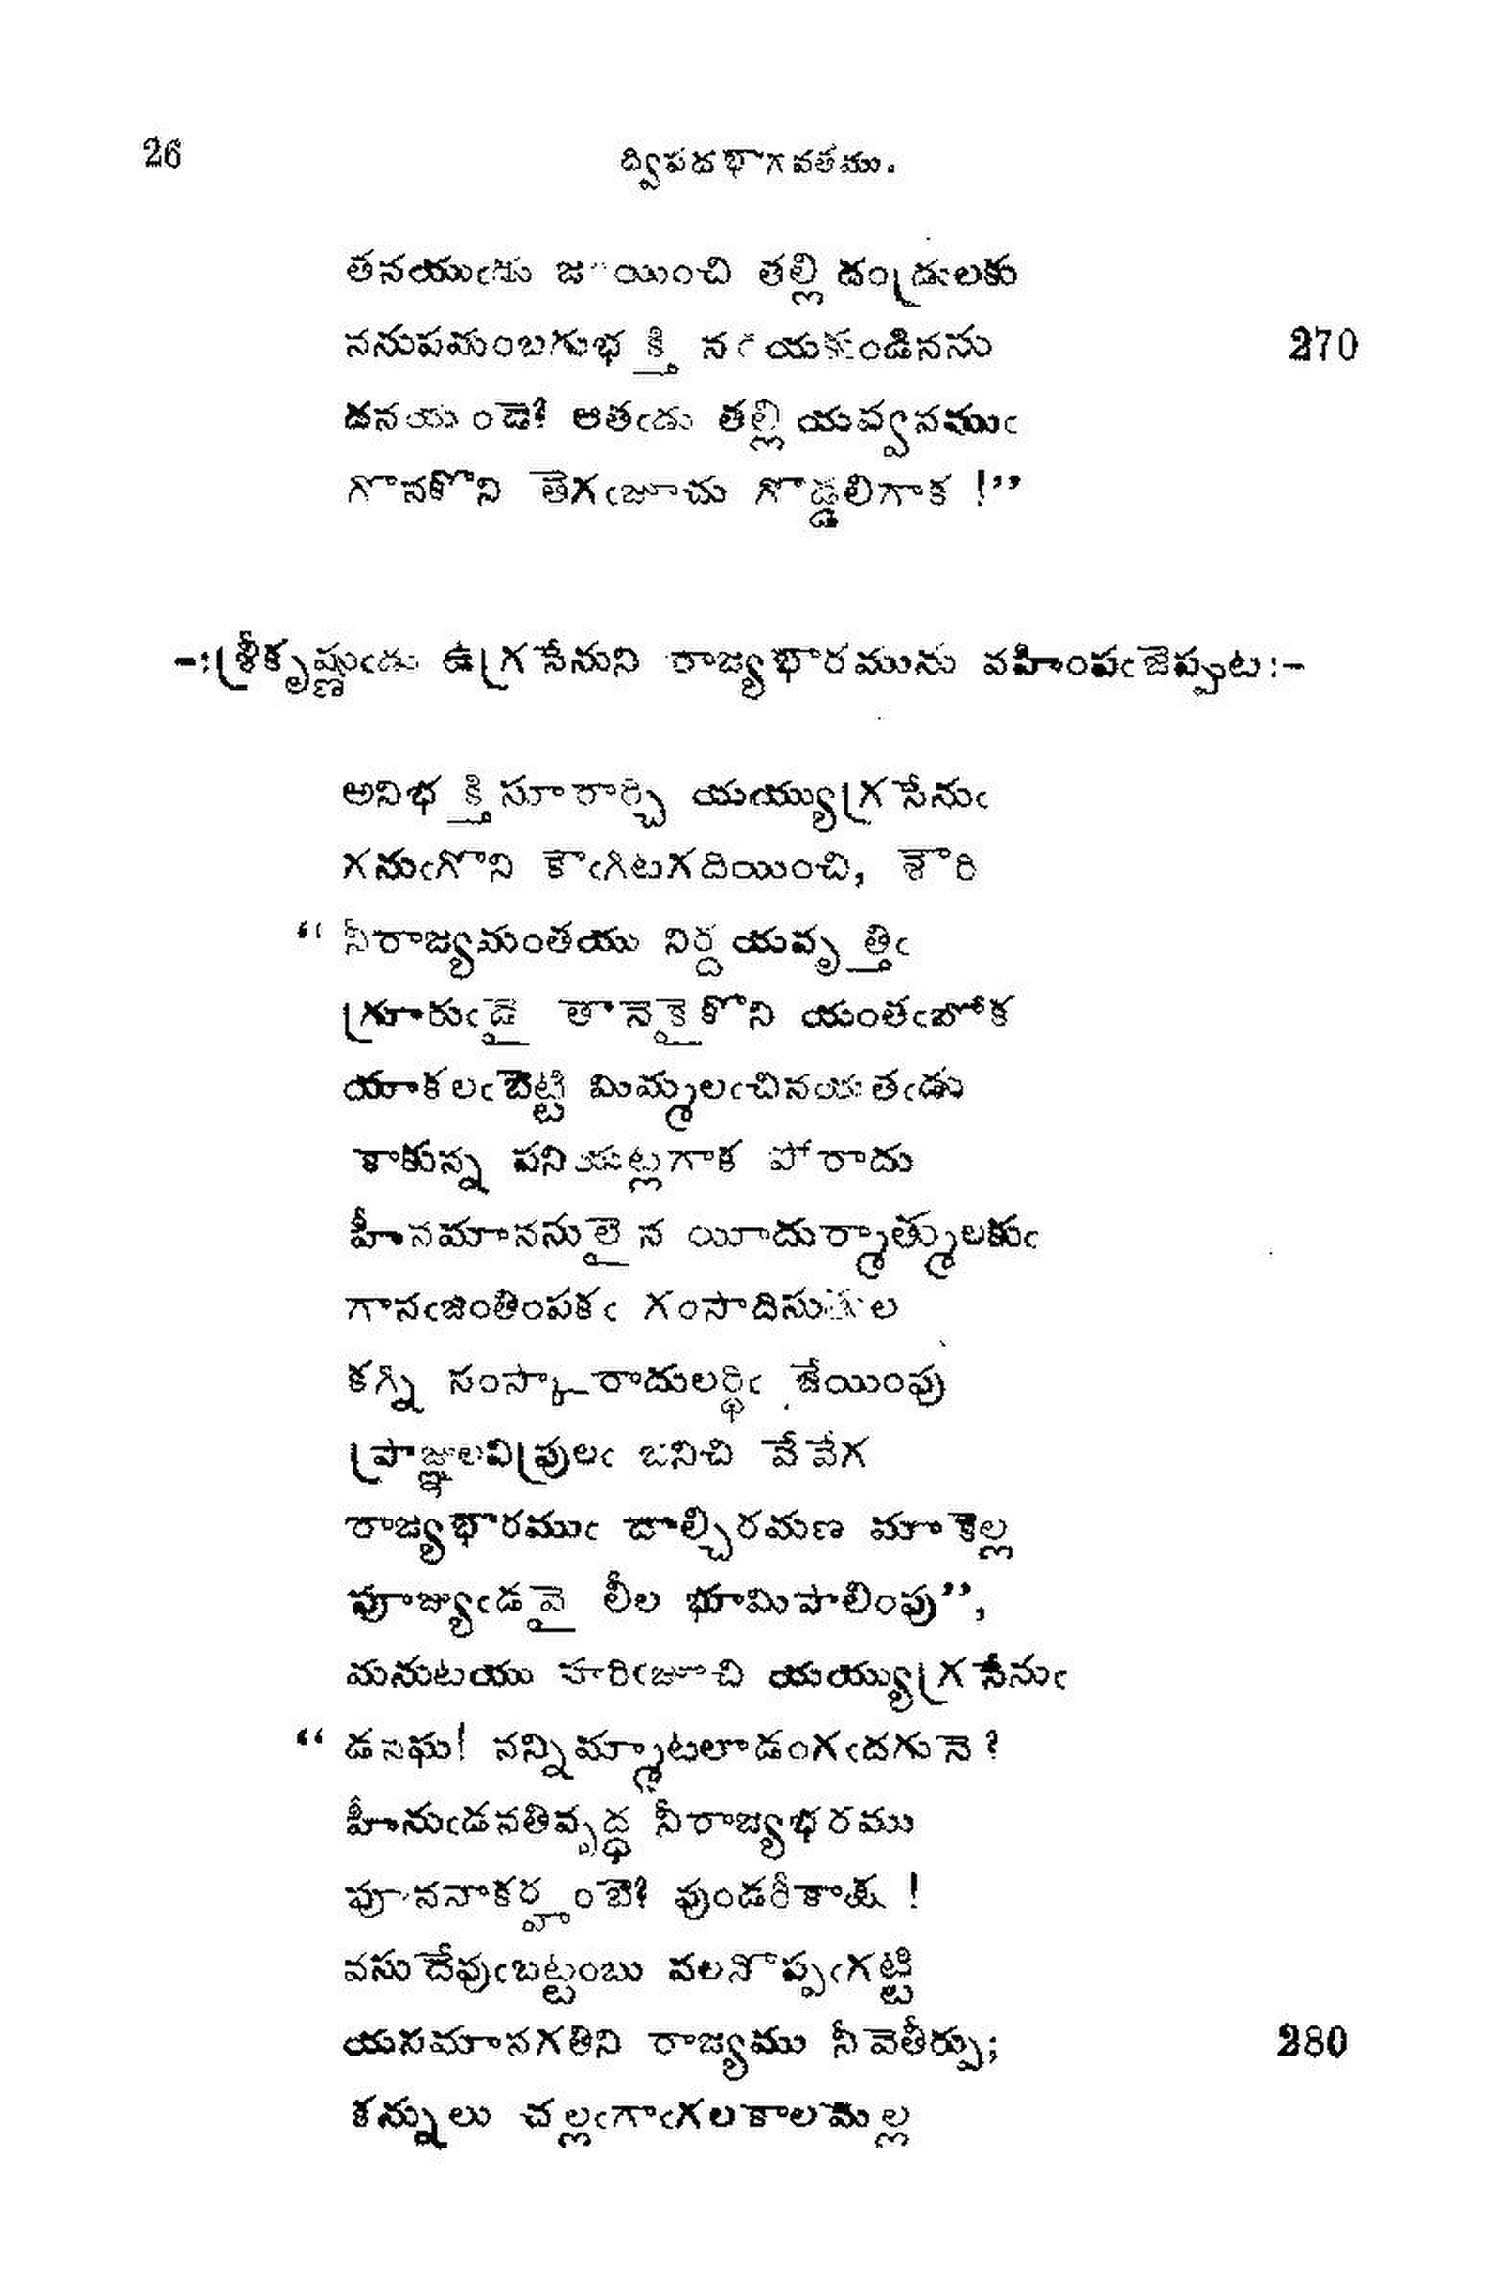తనయుఁడు జయించి తల్లిదండ్రులకు
ననుపమంబగుభక్తి నరయకుండినను
దనయుండె? ఆతఁడు తల్లియవ్వనముఁ
గొనకొని తెగఁజూచు గొడ్డలిగాక!"

అనిభక్తి సూరార్చి యయ్యుగ్రసేనుఁ
గనుఁగొని కౌఁగిట గదియించి, శౌరి
“నీరాజ్యమంతయు నిర్దయవృత్తి
గ్రూరుఁడై తానె కైకొని యంతఁబోక
యాకలఁ బెట్టి మిమ్మలఁచినయతఁడు
కాకున్న పనియట్లగాక పోరాదు
హీనమానసులైన యీదురాత్ములకుఁ
గానఁజింతింపకఁ గంసాదిసుతుల
కగ్నిసంస్కారాదు లర్థిఁ జేయింపు
ప్రాజ్ఞుల విప్రులఁ బనిచి వేవేగ
రాజ్యభారముఁ దాల్చి రమణ మా కెల్ల
పూజ్యుఁడవై లీల భూమి పాలింపు”,
మనుటయు హరిఁ జూచి యయ్యుగ్రసేనుఁ
“డనఘ! న న్నిమ్మాటలాడంగఁదగునె?
హీనుఁడ నతివృద్ధ నీరాజ్యభరము
పూన నాకర్హంబె? పుండరీకాక్ష!
వసుదేవుఁబట్టంబు వలనొప్పఁగట్టి
యసమానగతిని రాజ్యము నీవె తీర్పు;
కన్నులు చల్లఁగాఁ గలకాలమెల్ల